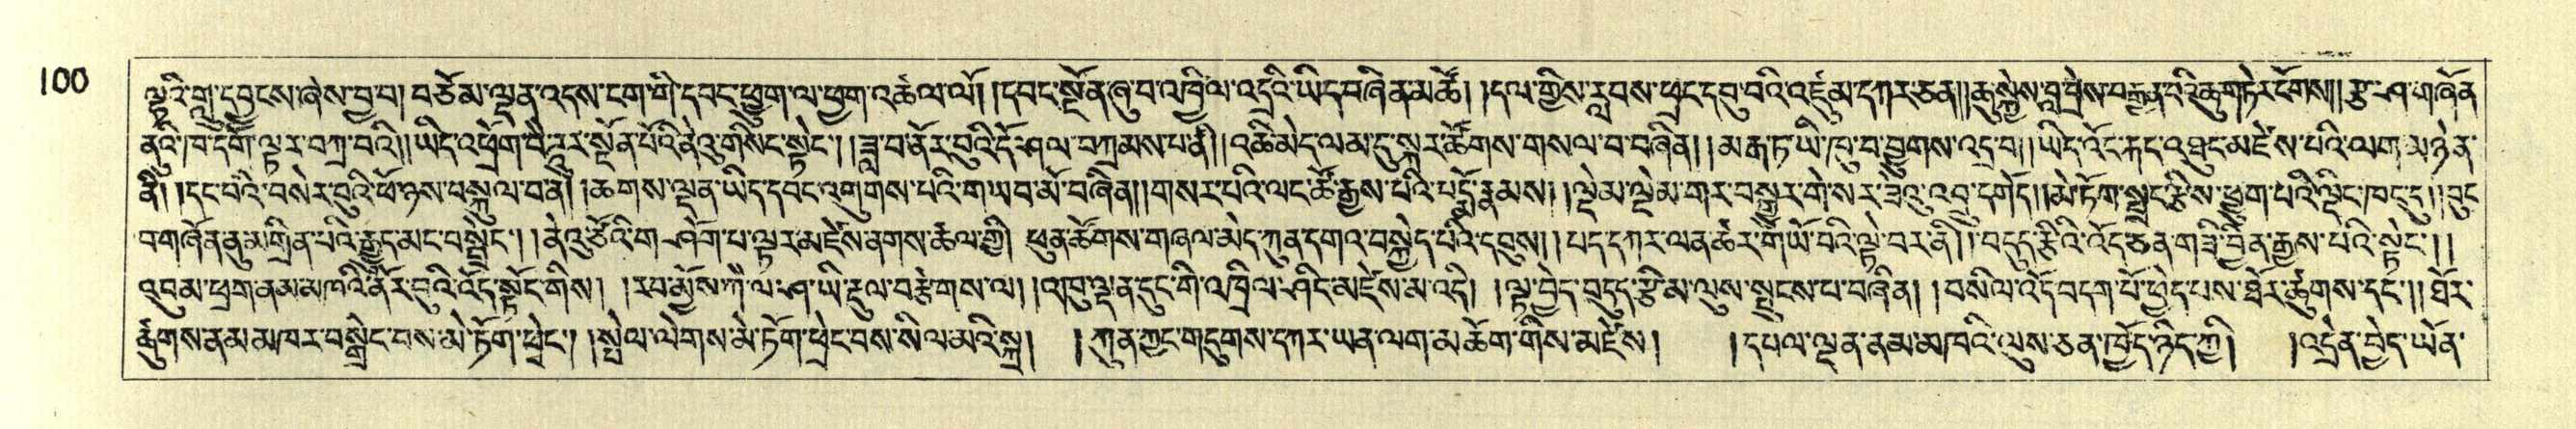ལྷའི་གླུ་དབྱངས་ཞེས་བྱ་བ། བཅོམ་ལྡན་འདས་ངག་གི་དབང་ཕྱུག་ལ་ཕྱག་འཚལ་ལོ། །དབང་སྔོན་ཞུ་བ་འཁྱིལ་འདྲའི་ཡིད་བཞིན་མཚོ། །དལ་གྱིས་རླབས་ཕྲང་དབུ་བའི་འཛུམ་དཀར་ཅན། །ཆུ་སྐྱེས་བླ་བྲེས་བརྒྱན་པའི་ཆུ་གཏེར་དོགས། །རྩ་ཤ་གཞོན་
ནུའི་ཁ་དོག་ལྟར་བཀྲ་བའི། །ཡིད་འཕྲོག་བཻ་ཌཱུར་སྔོན་པོའི་ནེའུ་གསིང་སྟེང་། །ཟླ་བ་ནོར་བུའི་དོ་ཤལ་བཀྲམས་པ་ནི། །འཆི་མེད་ལམ་དུ་སྐར་ཚོགས་གསལ་བ་བཞིན། །མརྒ་ཏ་ཡི་ཁུ་བ་བྱུགས་འདྲ་བ། །ཡིད་འོང་རྐང་འཐུང་མཛེས་པའི་ལག་མཉེན་
ནི། །དང་བའི་བསེར་བུའི་ཕོ་ཉས་བསྐུལ་བ་ནི། །ཆགས་ལྡན་ཡིད་དབང་འགུགས་པའི་གཡབ་མོ་བཞིན། །གསར་པའི་ལང་ཚོ་རྒྱས་པའི་པདམོ་རྣམས། །ལྡེམ་ལྡེམ་གར་བསྒྱུར་གེ་སར་ཟེའུ་འབྲུ་དགོད། །མེ་ཏོག་སྦྲང་རྩིས་ཕྱུག་པའི་ལྡིང་ཁང་དུ། །བུང་
བ་གཞོན་ནུ་མགྲིན་པའི་རྒྱུད་མང་བསྒྲེང་། །ནེའུ་ཙོའི་གཤོག་པ་ལྟར་མཛེས་ནགས་ཚལ་གྱི། ཕུན་ཚོགས་གཞལ་མེད་ཀུན་དགའ་བསྐྱེད་པའི་དབུས། །པད་དཀར་ལན་ཚར་གཡོ་བའི་ལྟེ་བར་ནི། །བདུད་རྩིའི་འོད་ཅན་གཟི་བྱིན་རྒྱས་པའི་སྟེང་། །
འབུམ་ཕྲག་ནམ་མཁའི་ནོར་བུའི་འོད་སྟོང་གིས། །རབ་མྱོས་ཀིཨི་ལ་ཤ་ཡི་རྡུལ་བརྩེགས་ལ། །འཁུ་ལྡན་དུང་གི་འཁྲིལ་ཤིང་མཛེས་མ་འདི། །ལྟ་བྱེད་བདུད་རྩི་མ་ལུས་སྤུངས་པ་བཞིན། །བསིལ་འོད་བདག་པོ་ཕྱེད་པས་ཐོར་ཚུགས་དང་། །ཐོར་
ཚུགས་ནམ་མཁར་བསྒྲེང་བས་མེ་ཏོག་ཕྲེང་། །སྤེལ་ལེགས་མེ་ཏོག་ཕྲེང་བས་སིལ་མའི་སྐྲ། །ཀུན་ཀྱང་གདུགས་དཀར་ཡན་ལག་མཆོག་གིས་མཛེས། །དཔལ་ལྡན་ནམ་མཁའི་ལུས་ཅན་ཁྱོད་ཉིད་ཀྱི། །འདྲེན་བྱེད་ཡོན་